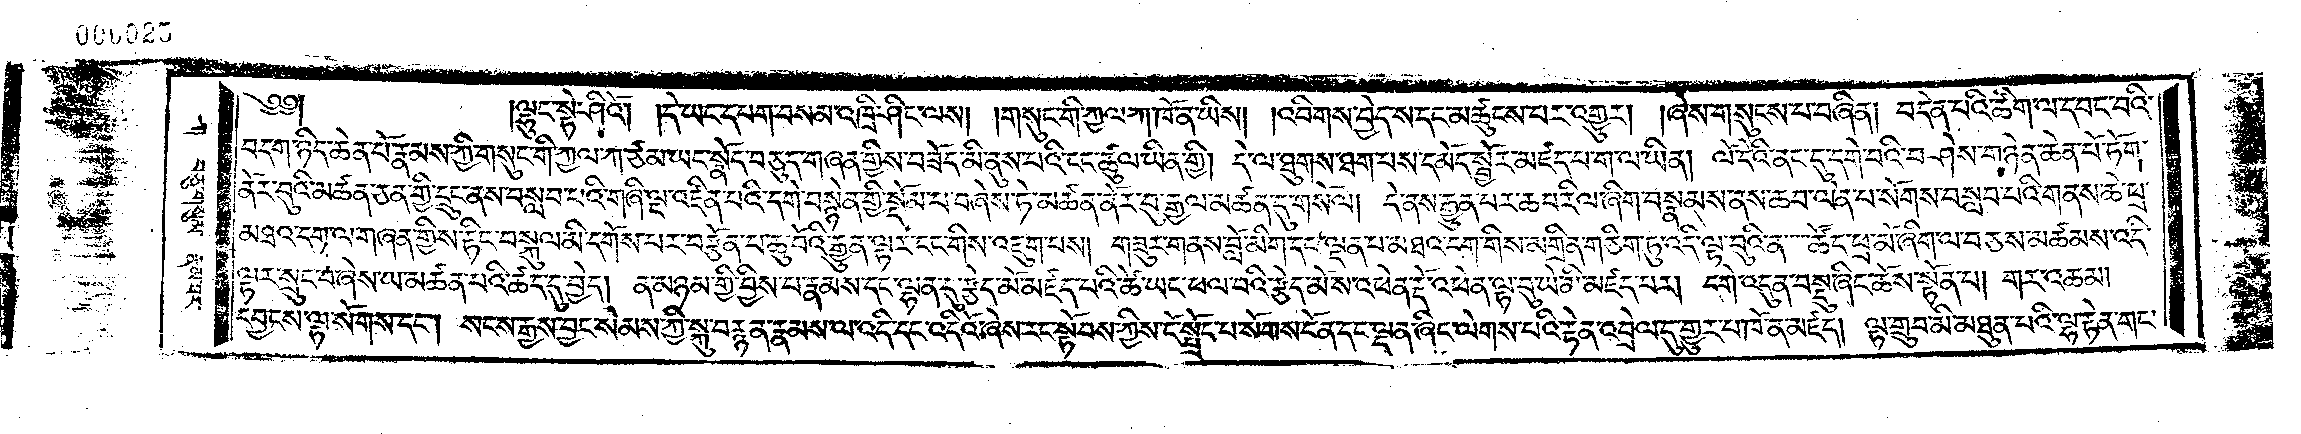༄༅། །ལྷུང་སྟེ་ཤིའོ། །དེ་ཡང་དཔག་བསམ་འཁྲི་ཤིང་ལས། །གསུང་གི་ཀྱལ་ཀ་ཁོ་ན་ཡིས། །འབིགས་བྱེད་ས་དང་མཚུངས་པར་འགྱུར། །ཞེས་གསུངས་པ་བཞིན། བདེན་པའི་ཚིག་ལ་དབང་བའི་
བདག་ཉིད་ཆེན་པོ་རྣམས་ཀྱི་གསུང་གི་ཀྱལ་ཀ་ཙམ་ཡང་སྣོད་བཅུད་གཞན་གྱིས་བཟོད་མི་ནུས་པའི་ངང་ཚུལ་ཡིན་གྱི། དེ་ལ་ཐུགས་ཐག་པས་དམོད་སྦྱོར་མཛད་པ་ག་ལ་ཡིན། ལོ་དེའི་ནང་དུ་དགེ་བའི་བཤེས་གཉེན་ཆེན་པོ་ཏོག་
ནོར་བུའི་མཚན་ཅན་གྱི་དྲུང་ནས་བསླབ་པའི་གཞི་ལྔ་འཛིན་པའི་དགེ་བསྙེན་གྱི་སྡོམ་པ་བཞེས་ཏེ་མཚན་ནོར་བུ་རྒྱལ་མཚན་དུ་གསོལ། དེ་ནས་རྒྱུན་པར་ཆབ་རིལ་ཞིག་བསྣམས་ནས་ཆབ་ལེན་པ་སོགས་བསླབ་པའི་གནས་ཆེ་ཕྲ་
མཐའ་དག་ལ་གཞན་གྱིས་རྟིང་བསྐུལ་མི་དགོས་པར་བརྩོན་པ་ཆུ་བོའི་རྒྱུན་ལྟར་ངང་གིས་འཇུག་པས། གཟུར་གནས་བློ་མིག་དང་ལྡན་པ་མཐའ་དག་གིས་མགྲིན་གཅིག་ཏུ་འདི་ལྟ་བུའི་ན་ཚོད་ཕྲ་མོ་ཞིག་ལ་བཅས་མཚམས་འདི་
ལྟར་སྲུང་བ་ཞེས་ཡ་མཚན་པའི་ཚད་དུ་བྱེད། ན་མཉམ་གྱི་བྱིས་པ་རྣམས་དང་ལྷན་དུ་རྩེད་མོ་མཛད་པའི་ཚེ་ཡང་ཕལ་བའི་རྩེད་མོས་འཕེན་རྡོ་འཕེན་ལྟ་བུ་ཡེ་མི་མཛད་པར། དགེ་འདུན་བསྡུ་ཞིང་ཆོས་སྟོན་པ། གར་འཆམ།
དབྱངས་ལྟ་སོགས་དང་། སངས་རྒྱས་བྱང་སེམས་ཀྱི་སྐུ་བརྙན་རྣམས་ལ་འདི་དང་འདིའོ་ཞེས་རང་སྟོབས་ཀྱིས་ངོ་སྤྲོང་པ་སོགས་ངོན་དང་ལྡན་ཞིང་ལེགས་པའི་རྟེན་འབྲེལ་དུ་གྱུར་པ་ཁོ་ན་མཛད། ལྟ་གྲུབ་མི་མཐུན་པའི་ལྷ་རྟེན་གང་